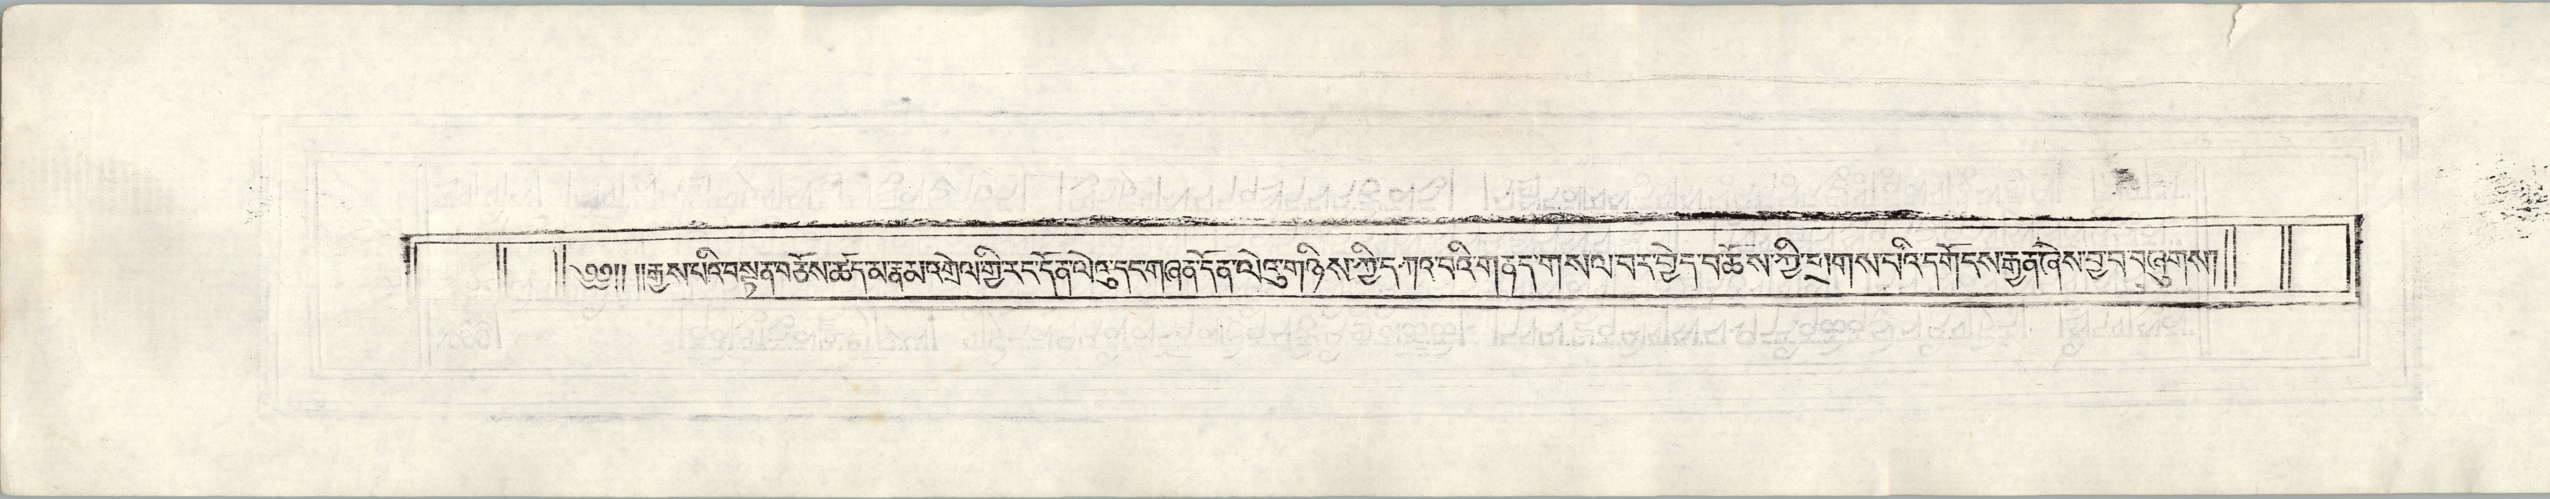༄༅། །རྒྱས་པའི་བསྟན་བཅོས་ཚད་མ་རྣམ་འགྲེལ་གྱི་རང་དོན་ལེའུ་དང་གཞན་དོན་ལེའུ་གཉིས་ཀྱི་དཀའ་བའི་གནད་གསལ་བར་བྱེད་པ་ཆོས་ཀྱི་གྲགས་པའི་དགོངས་རྒྱན་ཞེས་བྱ་བ་བཞུག་སོ།